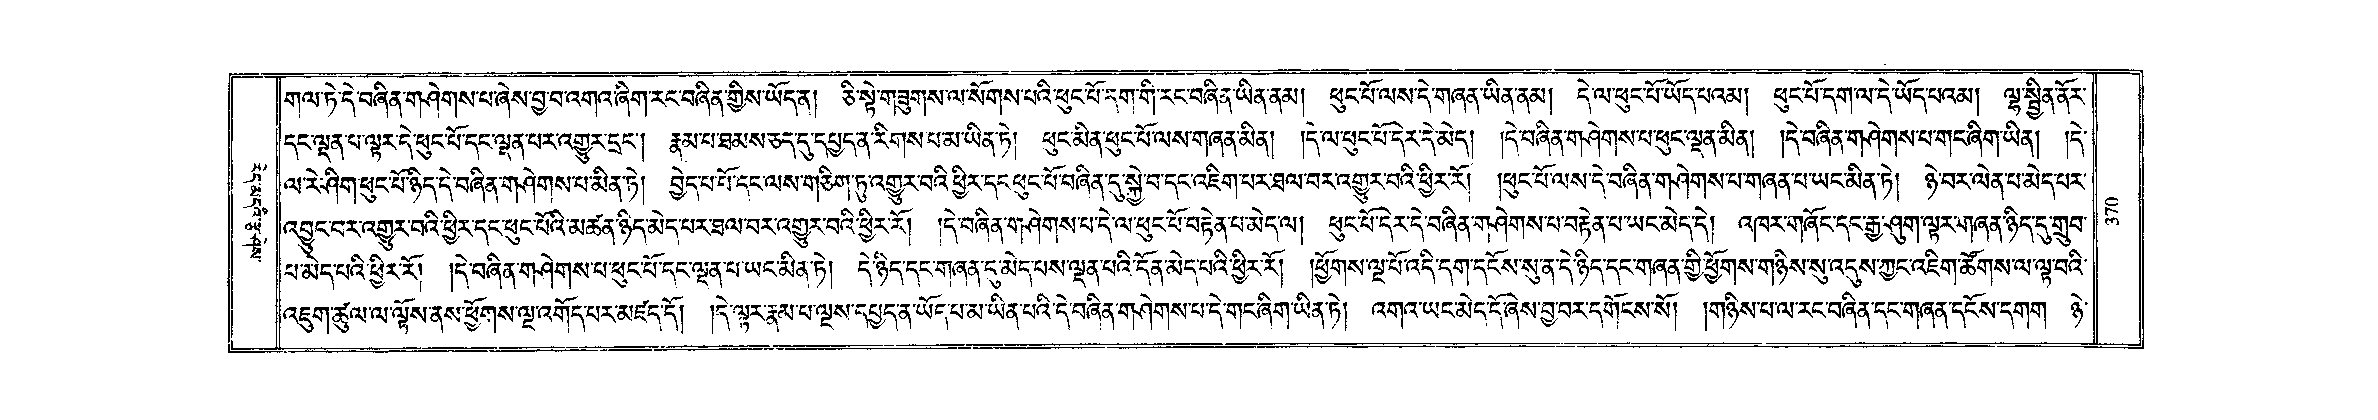གལ་ཏེ་དེ་བཞིན་གཤེགས་པ་ཞེས་བྱ་བ་འགའ་ཞིག་རང་བཞིན་གྱིས་ཡོད་ན། ཅི་སྟེ་གཟུགས་ལ་སོགས་པའི་ཕུང་པོ་དག་གི་རང་བཞིན་ཡིན་ནམ། ཕུང་པོ་ལས་དེ་གཞན་ཡིན་ནམ། དེ་ལ་ཕུང་པོ་ཡོད་པའམ། ཕུང་པོ་དག་ལ་དེ་ཡོད་པའམ། ལྷ་སྦྱིན་ནོར་
དང་ལྡན་པ་ལྟར་དེ་ཕུང་པོ་དང་ལྡན་པར་འགྱུར་དྲང་། རྣམ་པ་ཐམས་ཅད་དུ་དཔྱད་ན་རིགས་པ་མ་ཡིན་ཏེ། ཕུང་མིན་ཕུང་པོ་ལས་གཞན་མིན། །དེ་ལ་ཕུང་པོ་དེར་དེ་མེད། །དེ་བཞིན་གཤེགས་པ་ཕུང་ལྡན་མིན། །དེ་བཞིན་གཤེགས་པ་གང་ཞིག་ཡིན། །དེ་
ལ་རེ་ཤིག་ཕུང་པོ་ཉིད་དེ་བཞིན་གཤེགས་པ་མིན་ཏེ། བྱེད་པ་པོ་དང་ལས་གཅིག་ཏུ་འགྱུར་བའི་ཕྱིར་དང་ཕུང་པོ་བཞིན་དུ་སྐྱེ་བ་དང་འཇིག་པར་ཐལ་བར་འགྱུར་བའི་ཕྱིར་རོ། །ཕུང་པོ་ལས་དེ་བཞིན་གཤེགས་པ་གཞན་པ་ཡང་མིན་ཏེ། ཉེ་བར་ལེན་པ་མེད་པར་
འབྱུང་བར་འགྱུར་བའི་ཕྱིར་དང་ཕུང་པོའི་མཚན་ཉིད་མེད་པར་ཐལ་བར་འགྱུར་བའི་ཕྱིར་རོ། །དེ་བཞིན་གཤེགས་པ་དེ་ལ་ཕུང་པོ་བརྟེན་པ་མེད་ལ། ཕུང་པོ་དེར་དེ་བཞིན་གཤེགས་པ་བརྟེན་པ་ཡང་མེད་དེ། འཁར་གཞོང་དང་རྒྱ་ཤུག་ལྟར་གཞན་ཉིད་དུ་གྲུབ་
པ་མེད་པའི་ཕྱིར་རོ། །དེ་བཞིན་གཤེགས་པ་ཕུང་པོ་དང་ལྡན་པ་ཡང་མིན་ཏེ། དེ་ཉིད་དང་གཞན་དུ་མེད་པས་ལྡན་པའི་དོན་མེད་པའི་ཕྱིར་རོ། །ཕྱོགས་ལྔ་པོ་འདི་དག་དངོས་སུ་ན་དེ་ཉིད་དང་གཞན་གྱི་ཕྱོགས་གཉིས་སུ་འདུས་ཀྱང་འཇིག་ཚོགས་ལ་ལྟ་བའི་
འཇུག་ཚུལ་ལ་ལྟོས་ནས་ཕྱོགས་ལྔ་འགོད་པར་མཛད་དོ། །དེ་ལྟར་རྣམ་པ་ལྔས་དཔྱད་ན་ཡོད་པ་མ་ཡིན་པའི་དེ་བཞིན་གཤེགས་པ་དེ་གང་ཞིག་ཡིན་ཏེ། འགའ་ཡང་མེད་དོ་ཞེས་བྱ་བར་དགོངས་སོ། །གཉིས་པ་ལ་རང་བཞིན་དང་གཞན་དངོས་དགག་ཉེ་